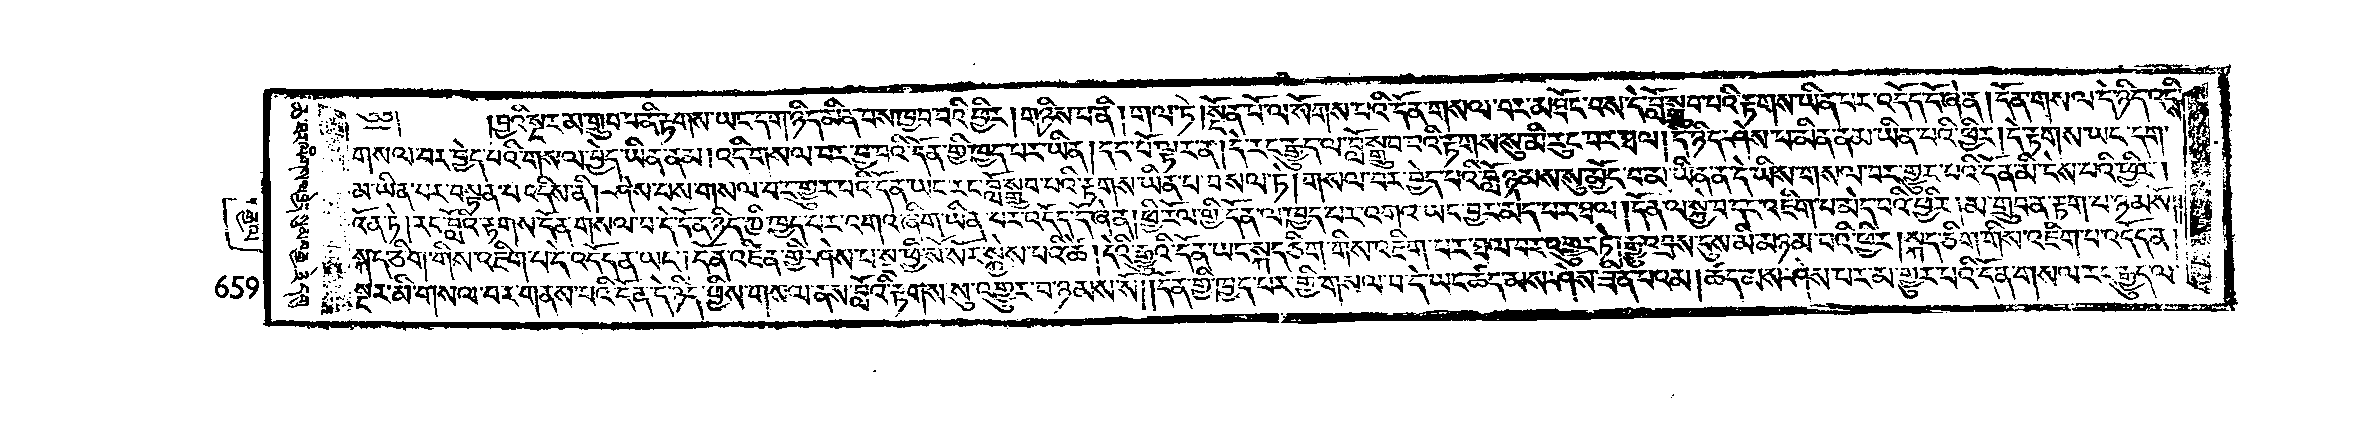༄༅། །བྱའི་སྔར་མ་གྲུབ་པ་ནི་རྟགས་ཡང་དག་ཉིད་མིན་པས་ཁྱབ་པའི་ཕྱིར། གཉིས་པ་ནི། གལ་ཏེ། སྔོན་པོ་ལ་སོགས་པའི་དོན་གསལ་བར་མཐོང་བས་དེ་བློ་སྒྲུབ་པའི་རྟགས་ཡིན་པར་འདོད་དོ་ཞེ་ན། དོན་གསལ་དེ་ཉིད་འདིས་
གསལ་བར་བྱེད་པའི་གསལ་བྱེད་ཡིན་ནམ། འདི་གསལ་བར་བྱ་བའི་དོན་གྱི་ཁྱད་པར་ཡིན། དང་པོ་ལྟར་ན། དེ་རང་རྒྱུད་ལ་བློ་སྒྲུབ་པའི་རྟགས་སུ་མི་རུང་བར་ཐལ། དེ་ཉིད་ཤེས་པ་མིན་ནམ་ཡིན་པའི་ཕྱིར། དེ་རྟགས་ཡང་དག་
མ་ཡིན་པར་བསྟན་པ་འདིས་ནི། ཤེས་པས་གསལ་བར་གྱུར་པའི་དོན་ཡང་རང་བློ་སྒྲུབ་པའི་རྟགས་ཡིན་པ་བསལ་ཏེ། གསལ་བར་བྱེད་པའི་བློ་ཉམས་སུ་མྱོང་བ་མ་ཡིན་ན་དེ་ཡིས་གསལ་བར་གྱུར་པའི་དོན་མི་ངེས་པའི་ཕྱིར།
འོན་ཏེ། རང་བློའི་རྟགས་དོན་གསལ་བ་དེ་དོན་ཉིད་ཀྱི་ཁྱད་པར་འགའ་ཞིག་ཡིན་པར་འདོད་དོ་ཞེ་ན། ཕྱི་རོལ་གྱི་དོན་ལ་ཁྱད་པར་འགའ་ཡང་བྱར་མེད་པར་ཐལ། དོན་ལ་སྐྱེ་བ་དང་འཇིག་པ་མེད་པའི་ཕྱིར། མ་གྲུབ་ན་རྟག་པ་ཉམས་སོ། །
སྐད་ཅིག་གིས་འཇིག་པ་དེ་འདོད་ན་ཡང་། དོན་འཛིན་གྱི་ཤེས་པ་སྔ་ཕྱི་སོ་སོར་སྐྱེས་པའི་ཚེ། དེའི་རྒྱུའི་དོན་ཡང་སྐད་ཅིག་གིས་འཇིག་པར་ཐལ་བར་འགྱུར་ཏེ། རྒྱུ་འབྲས་དུས་མི་མཉམ་པའི་ཕྱིར། སྐད་ཅིག་གིས་འཇིག་པ་འདོད་ན།
སྔར་མི་གསལ་བར་གནས་པའི་དོན་དེ་ཉིད་ཕྱིས་གསལ་ནས་བློའི་རྟགས་སུ་འགྱུར་བ་ཉམས་སོ། །དོན་གྱི་ཁྱད་པར་གྱི་གསལ་བ་དེ་ཡང་ཚད་མས་ཤེས་ཟིན་པའམ། ཚད་མས་ཤེས་པར་མ་གྱུར་པའི་དོན་གསལ་རང་རྒྱུད་ལ་